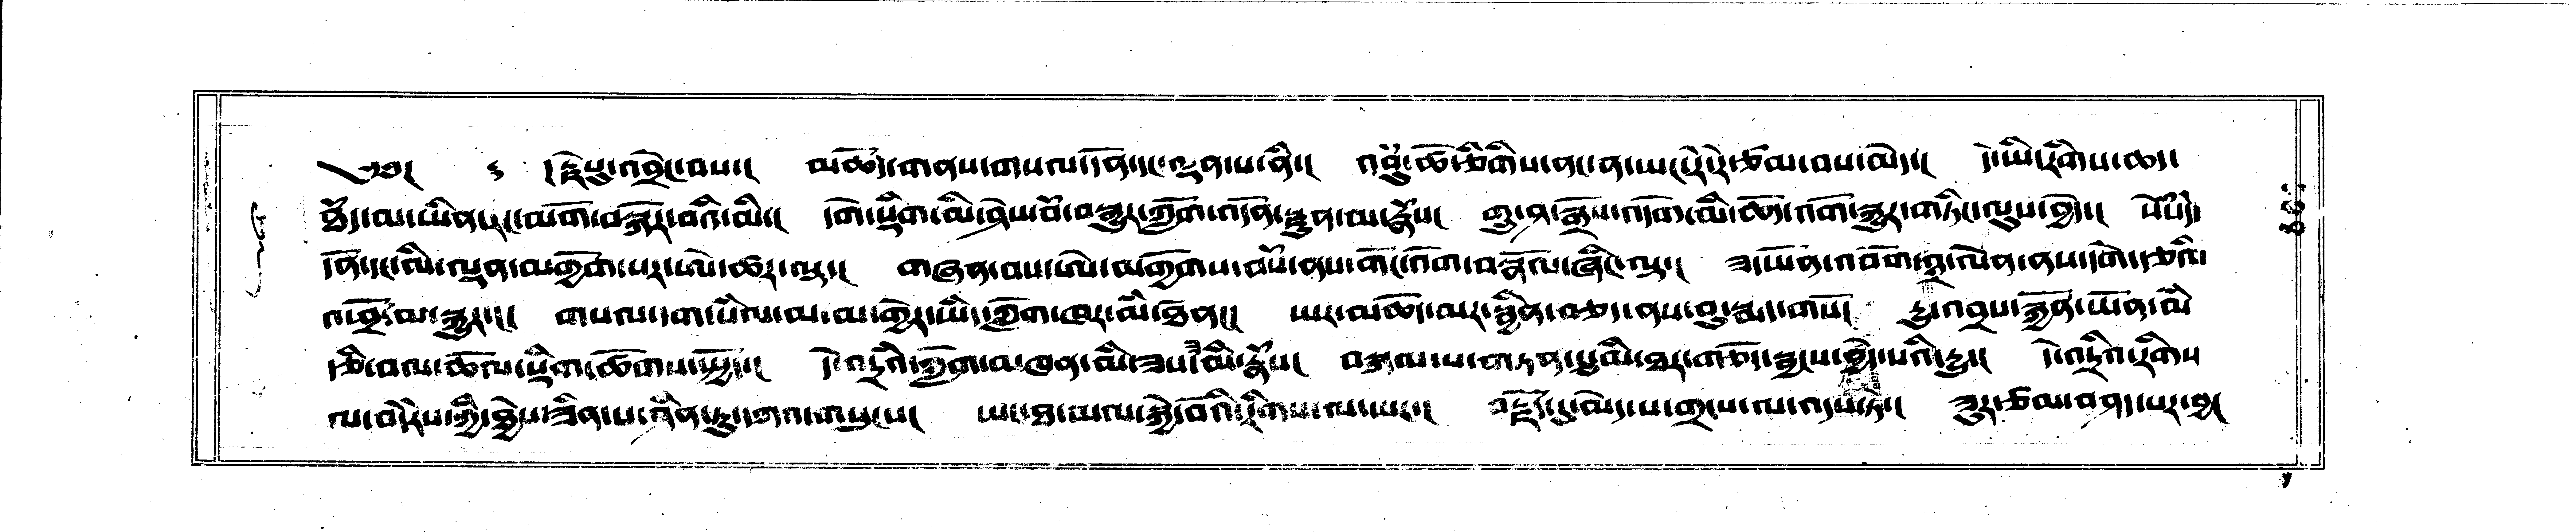རྗེས་སུ་འབྲིང་༼འབྲེང༽བའི། མཆོད་གནས་གསལ་དག་དོན་དང་ལྡན་པ་ནི་འབུམ་གྱི་ནང་ནས་རེས་གྷ(འགའ)་ཙམ་བེས་མེད། དེའི་རིགས་ཆད་
རང་གྷོ་(མགོ)སྐོར་བའི་མི། དགེ་སྡིག་མི་ཤེས་བམ་སྒྱུར་ཀློག་རྫུན་བྱེད། གྲུབ་མཐའ་སྒྲོས་འདོག་མི་ཆོད་གྷོ་(འགོ)སྐྱུར་རྡིང་ལུས་བྱེད། སེམས་བསྐྱེད་
དོན་དང་མི་འདོན་”ལྡན”མགྱོཌ་པར་ཨེ་ཚར་བསམ། གཞན་བེས་ཨེ་མགྱོགས་བསམ་ཞིང་གོང་འོག་བསྣོལ་ཅིང་སྐྱུར། ཟ་ཡོན་འབོགས་གསུམ་ལེན་ནས་དགེ་རྩའི་
འཕྲོ་མ་སྐྱུར། གསལ་དག་སིལ་མར་མི་གྱེར་ཡིད་ཀློགས་ཁར་མི་ཐོན། ཡར་མཆོད་མར་སྦྱིན་བཅད་ནས་བུ་སྨད་གསོ། རྒྱུ་འབྲས་སྐྱོན་ཡོན་མི་
བརྩི་བབ་ཆོལ་སྡིག་ཚོགས་སྤྱོད། དེ་འདྲའི་ཀློག་མཁན་མི་ཟས་ཟ་མི་རྣམས། སྐལ་༼བསྐལ༽པར་གཏན་དུ་མི་ཐར་གཅོ་སྦྱོངས་བྱེད་པའི་རྒྱུ། དེའི་རིགས་
ནི་བདེར་གཤེགས་ཐུགས་རྗེ་ཟིན་པ་ཤིན་ཏུ་དཀའ་གསུངས། ཡང་ཐ་མལ་སྐྱེའོ་ཡི་རིགས་ལ་བརྗོད་དུ་མེད་པས་གྲངས་ལ་དྷས་(འདས)ཏེ། ཟུར་ཙམ་བཤད་པ་ནི།